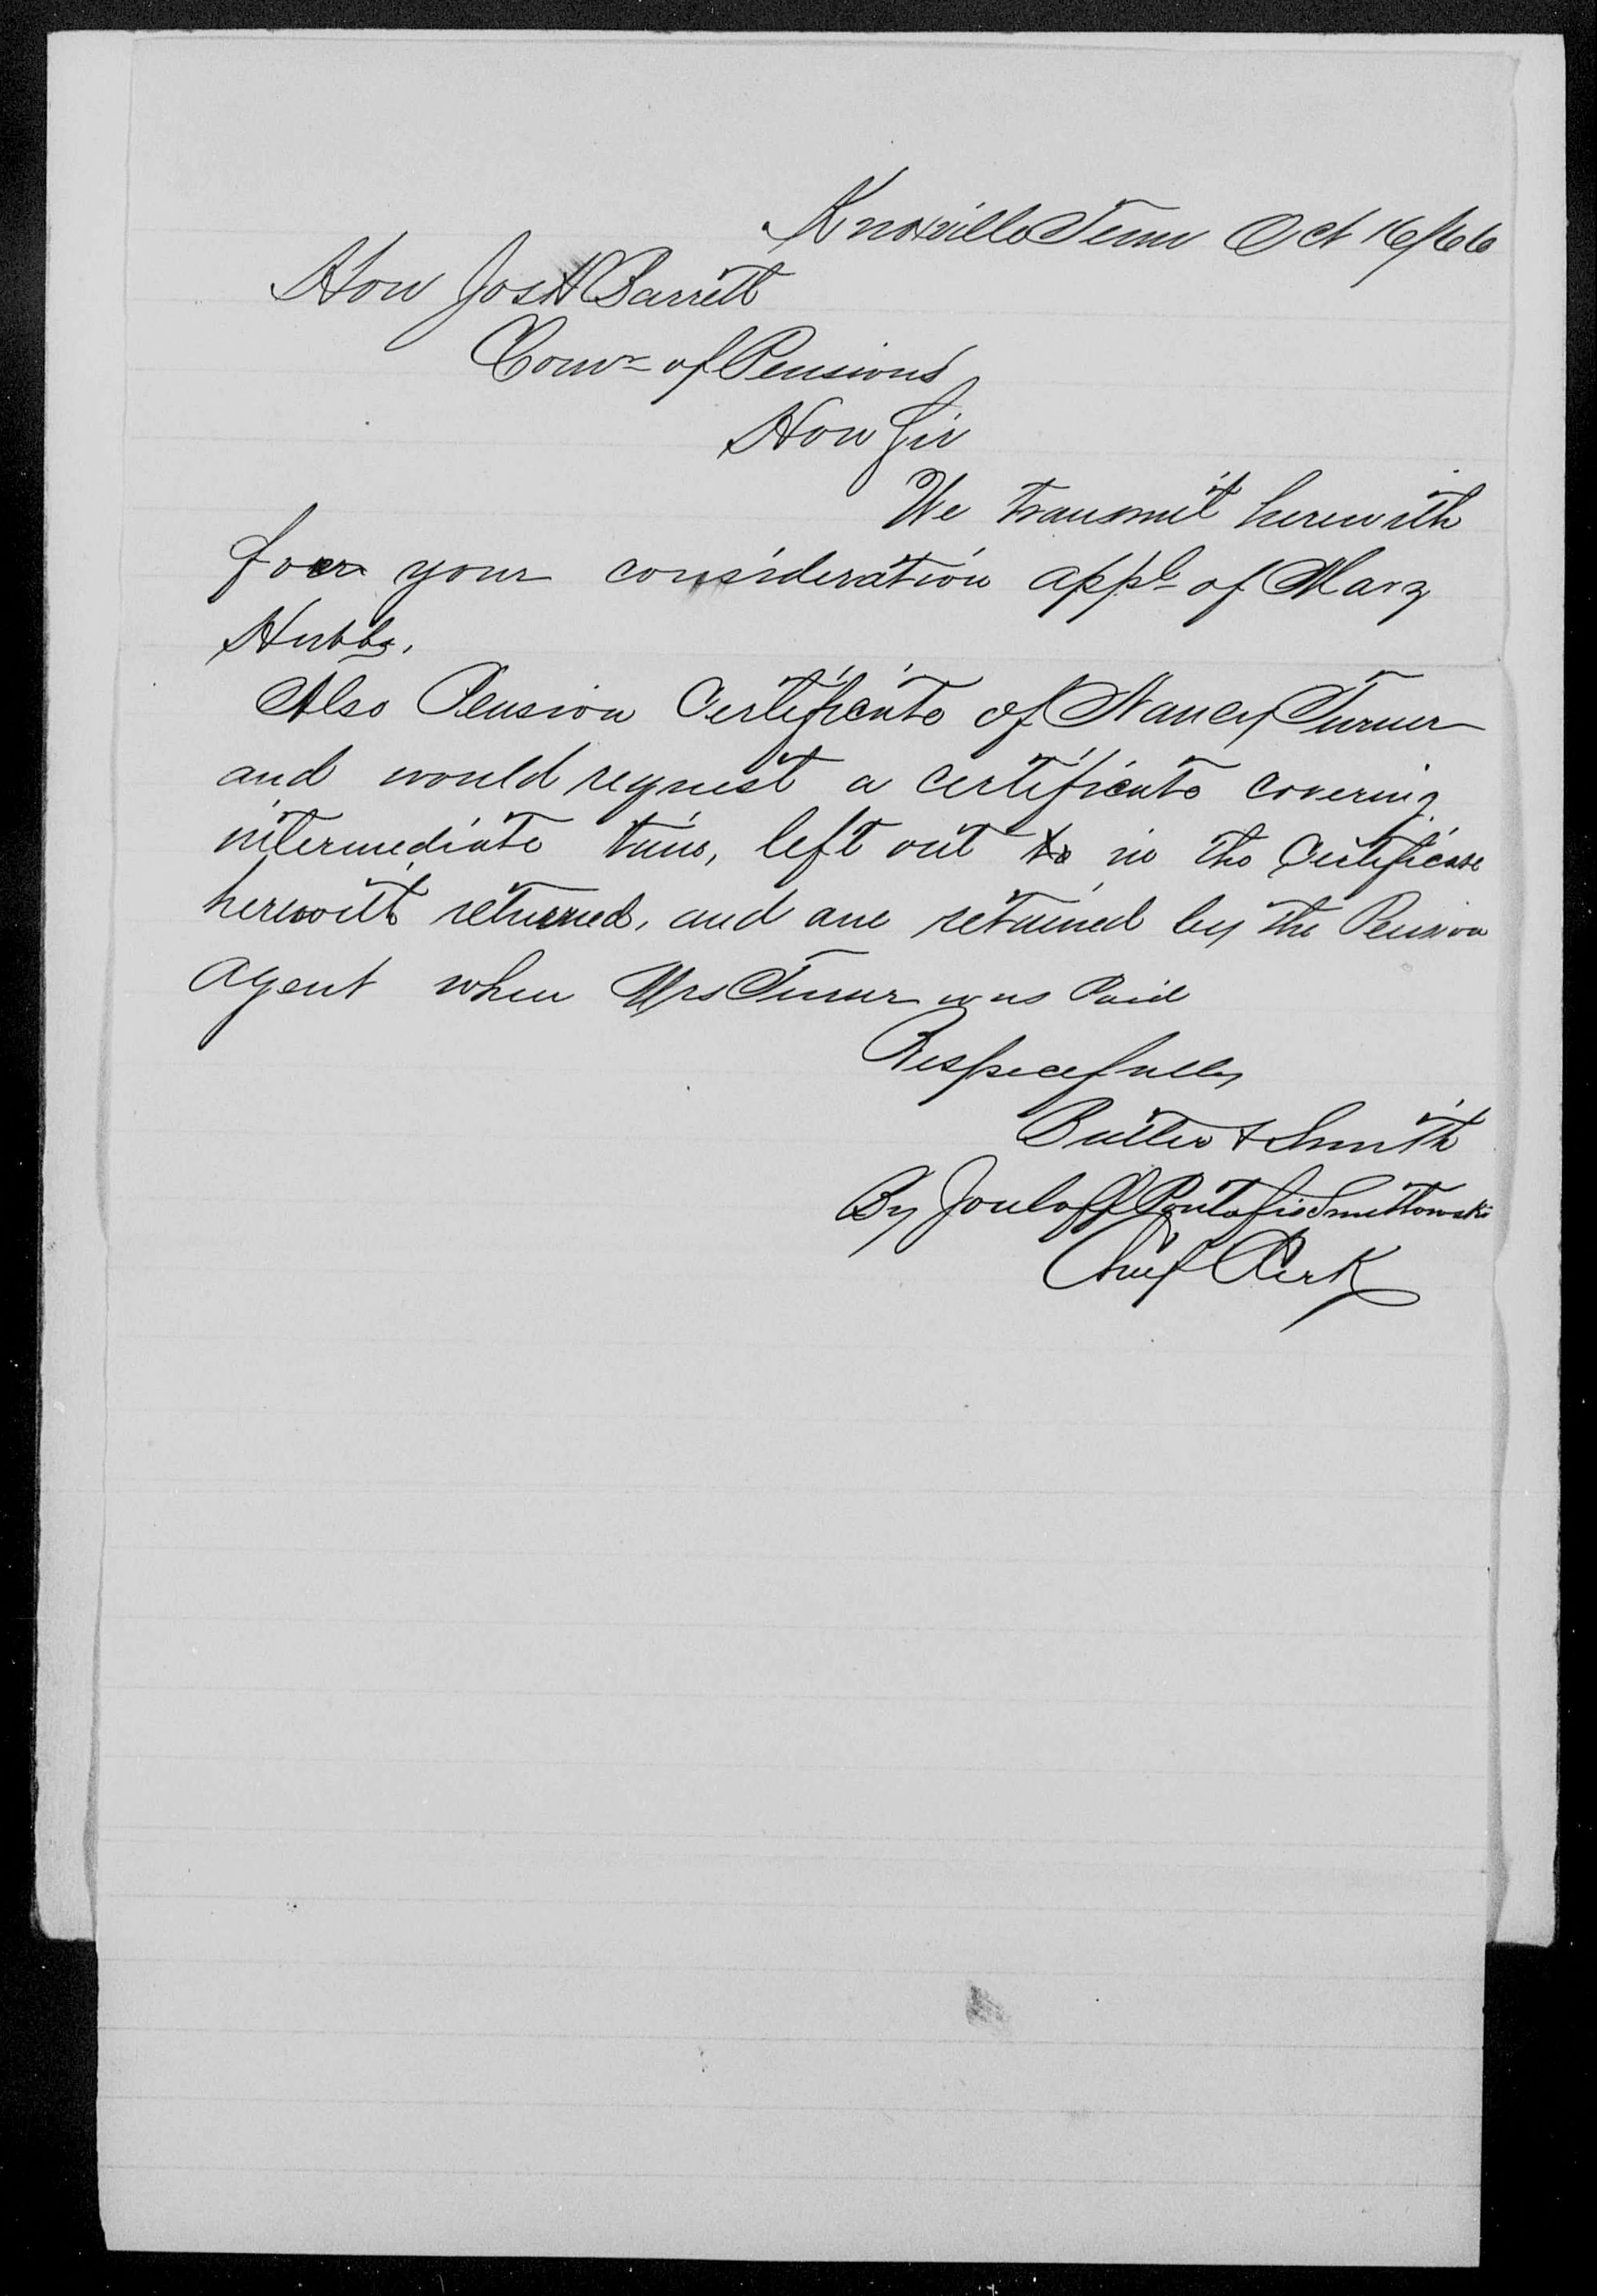Knoxville Tenn Oct 16/66

Hon Jos, H Barrett
Com of Pensions

Hon Sir
We transmit herewith for your consideration appl of Mary Hubbs.
Also Pension certificate of Nancy Turner and would request a certificate covering intermediate time, left out to in the certificate herewith returned, and one retained by the Pension Agent when Mrs. Turner was paid

Respectfully
Butler & Smith
By Jouloff Pontafis Smith Towsk:
Cheif Clerk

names: Jos H Barrett, Batter Smith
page: 71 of 86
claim: widow's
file: W. 1035, John Hubbs, S.C.